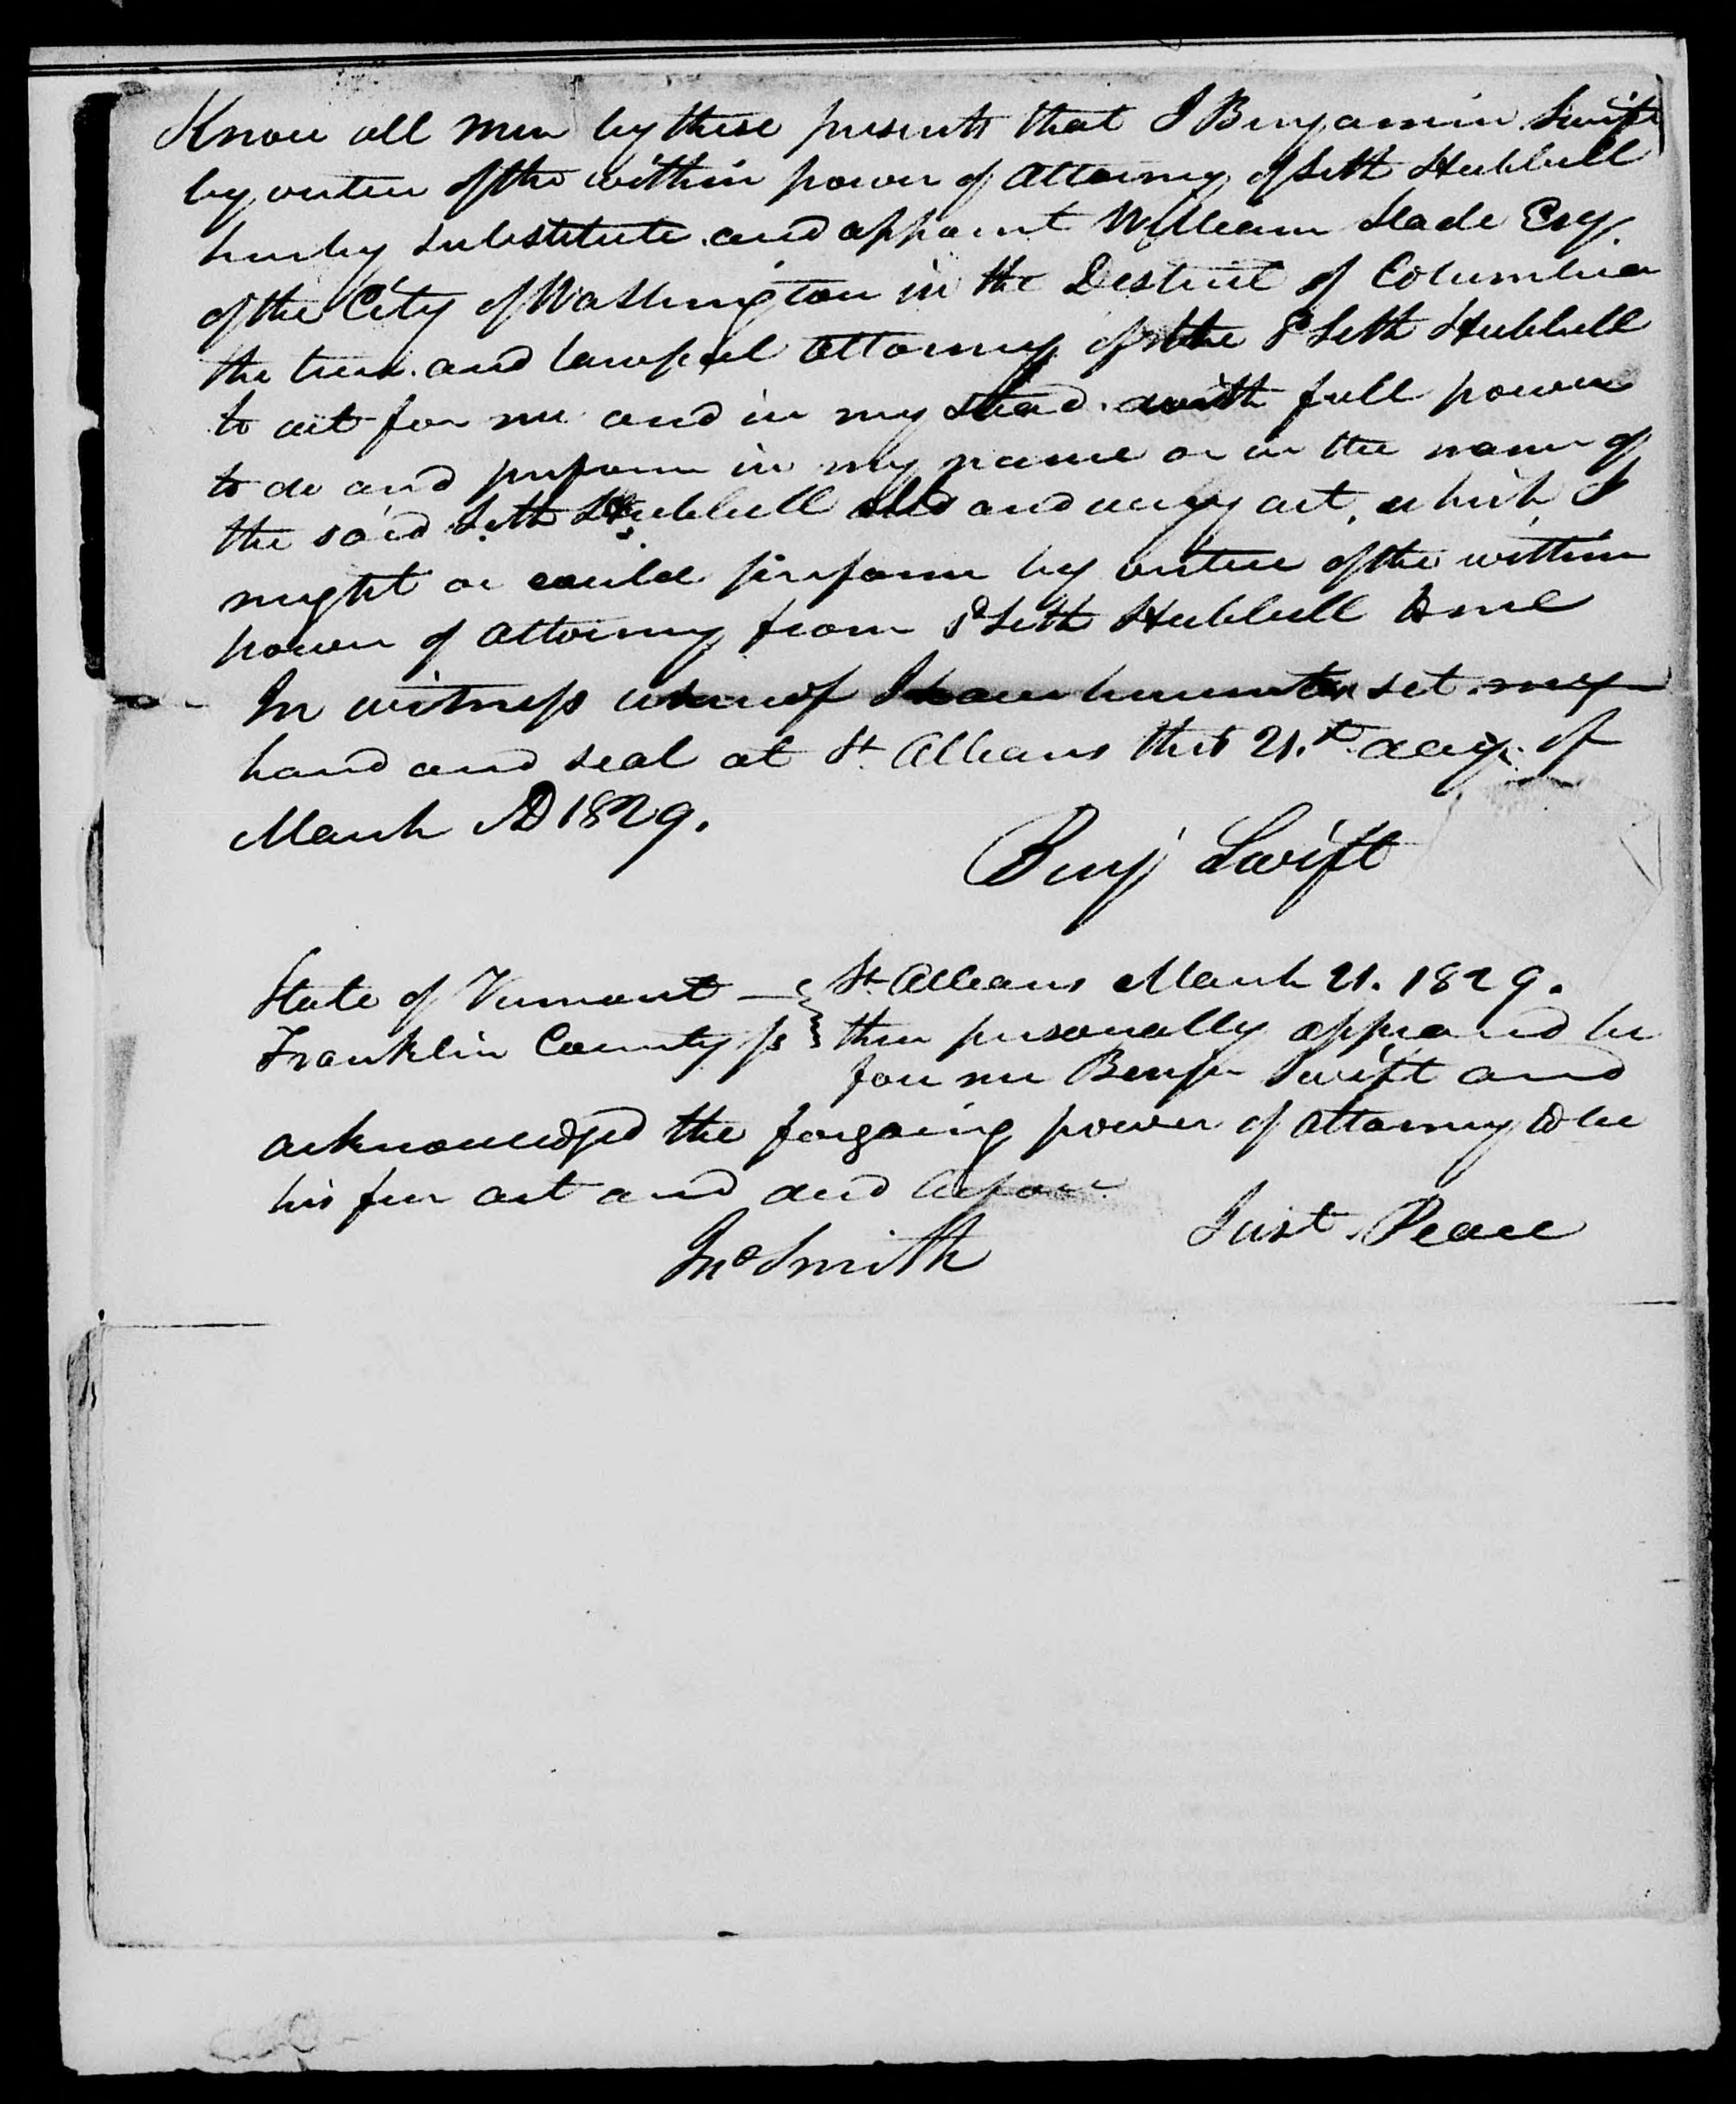Know all men by these presents that I Benjamin Swift by virtue of the within power of Attorney of Seth Hubbell hereby substitute and appoint William Slade Esq. of the City of Washington in the District of Columbia the true and lawful attorney of the Seth Hubbell to act for me and in my stead with full powers to do and perform in my name or in the name of the said Seth Hubbell all and every act which I might or could perform by virtue of the within power of attorney from Seth Hubbell to me

In witness whereof I have hereunto set my hand and seal at St. Albans this 21st day of March AD 1829.

Benj Swift

State of Vermont - St. Albans March 21. 1829
Franklin County then personally appeared before me Benjamin Swift and acknowledged the forgoing power of attorney to me his free act and deed [illegible]

Jno Smith    Just Peace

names: Jno Smith, Benjamin Swift, Seth Hubbell, William Slade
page: 113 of 114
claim: widow's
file: W. 2115, Seth Hubbell, Conn.